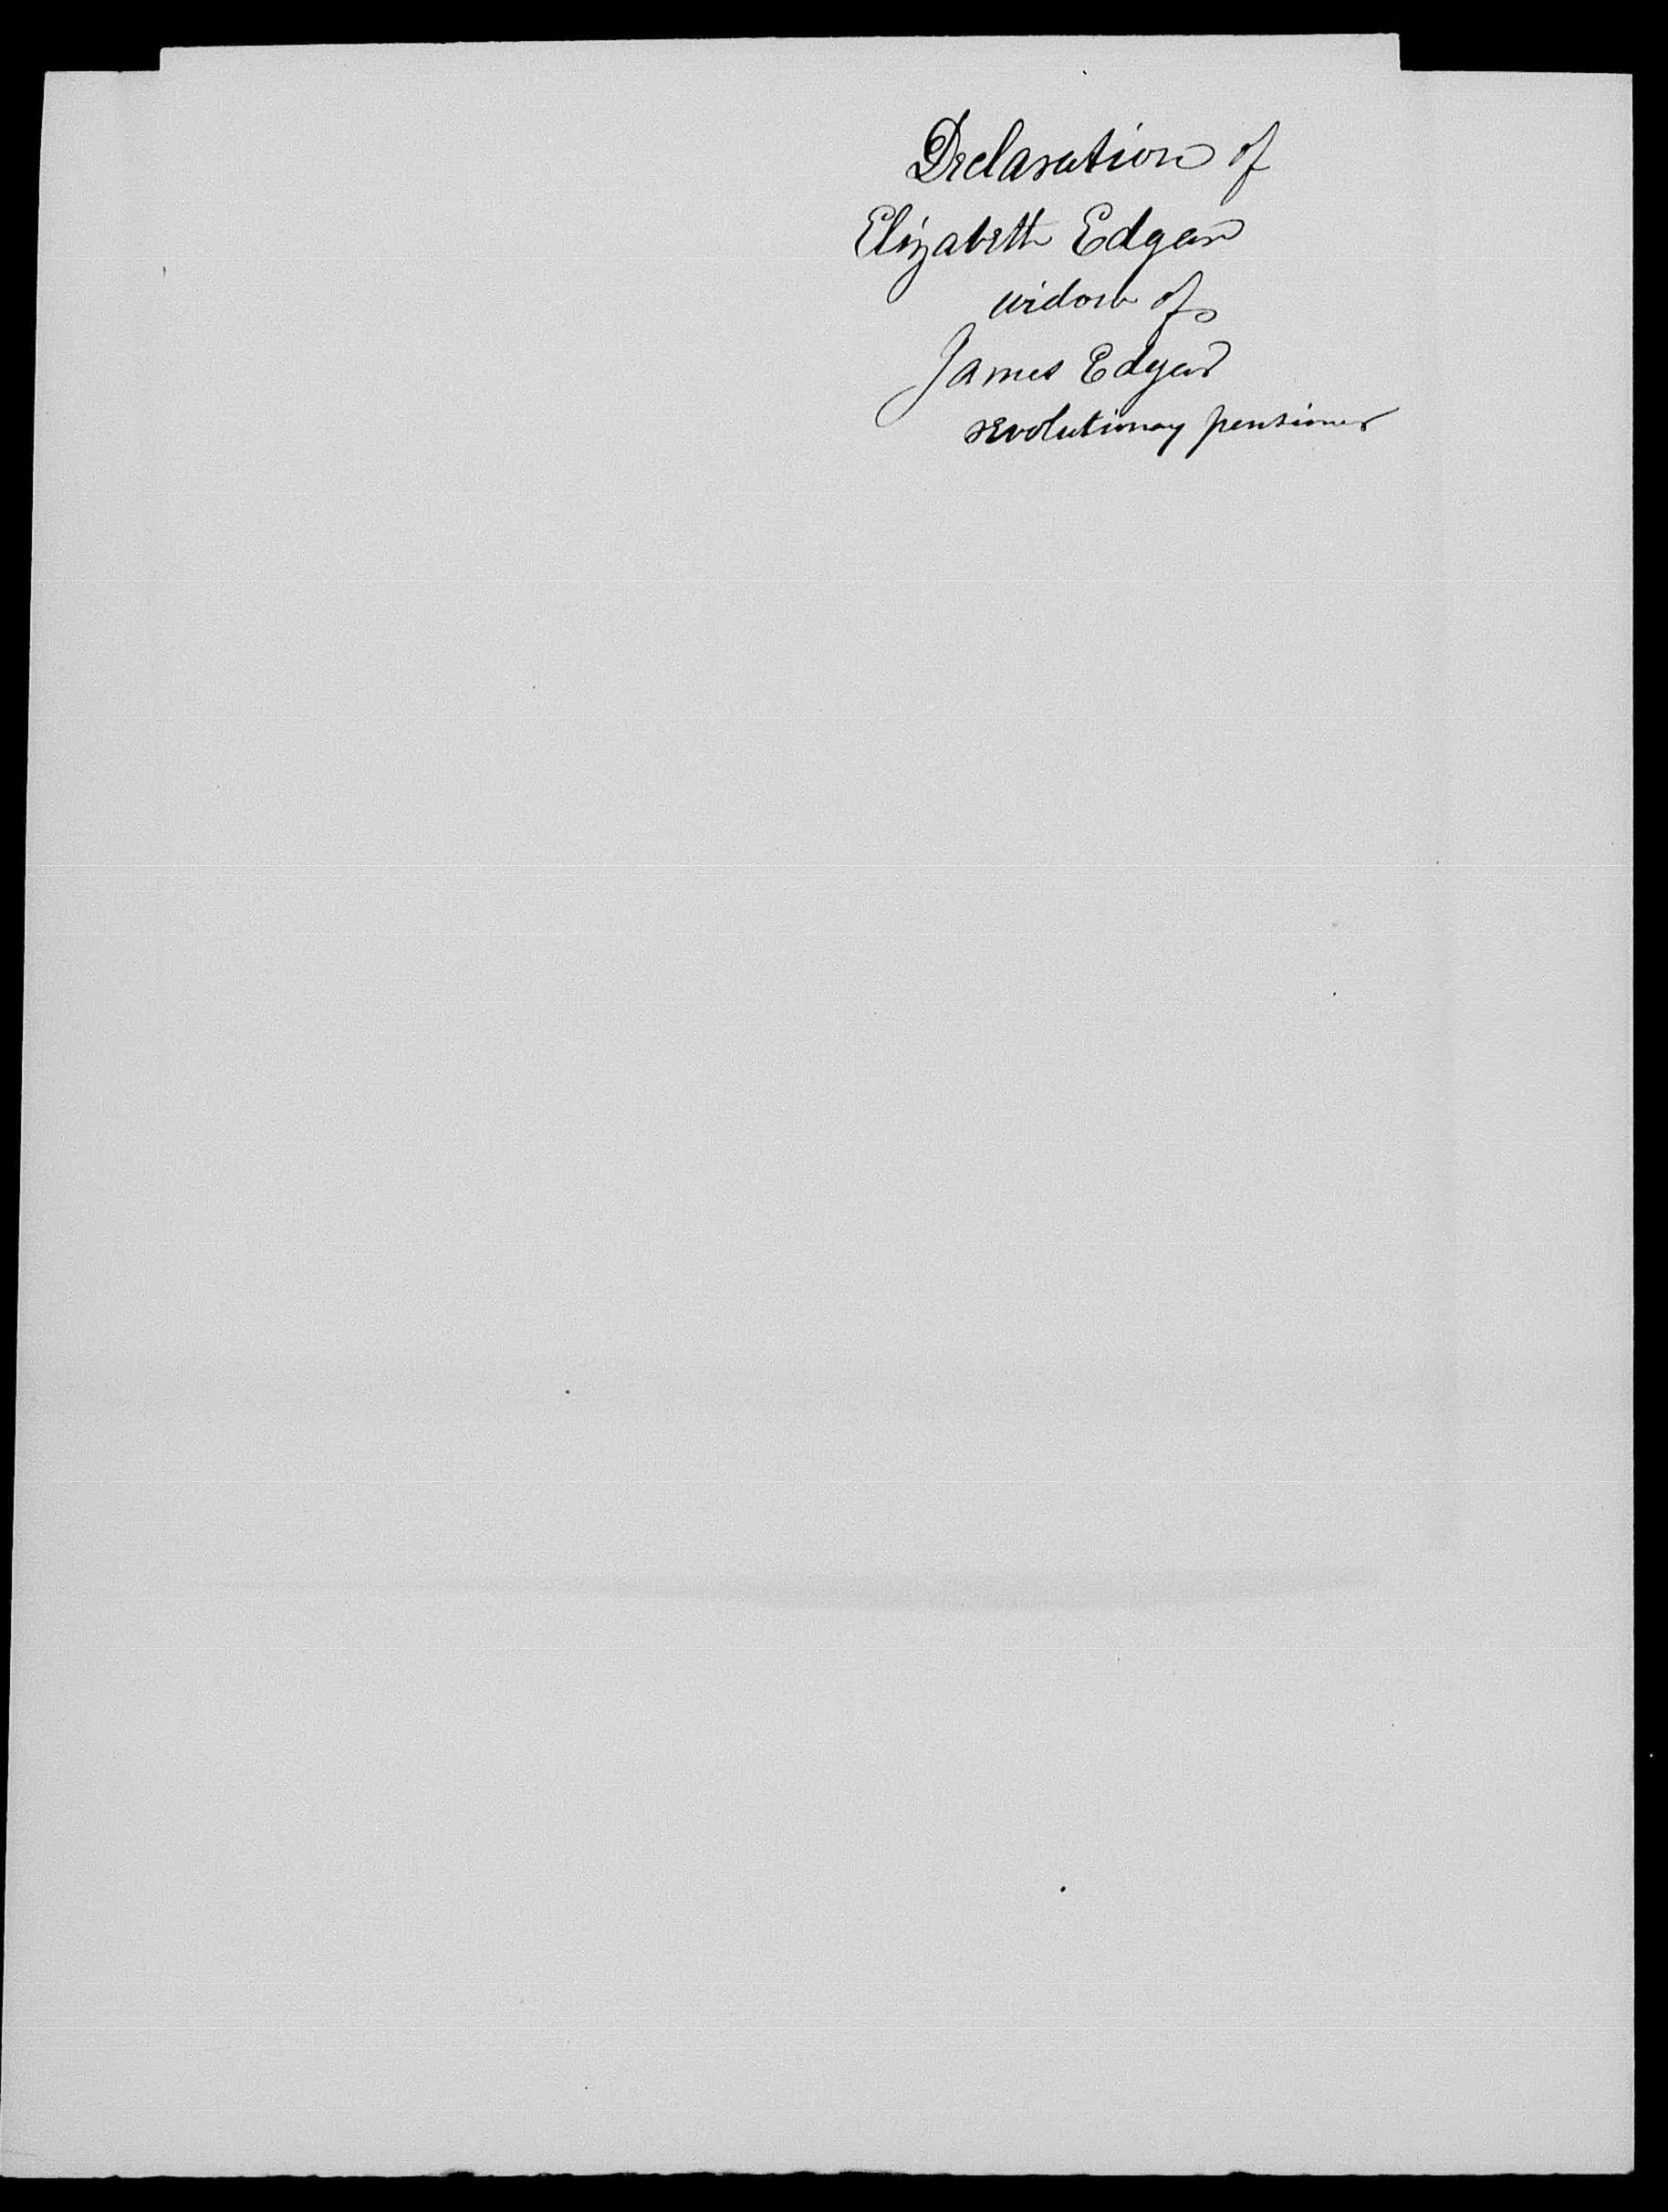Declarations of Elizabeth Edgar
widow of
James Edgar
revolutionary pensioner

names: James Edgar, Elizabeth Edgar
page: 13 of 74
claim: widow's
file: W. 9422, James Edgar, Penn.